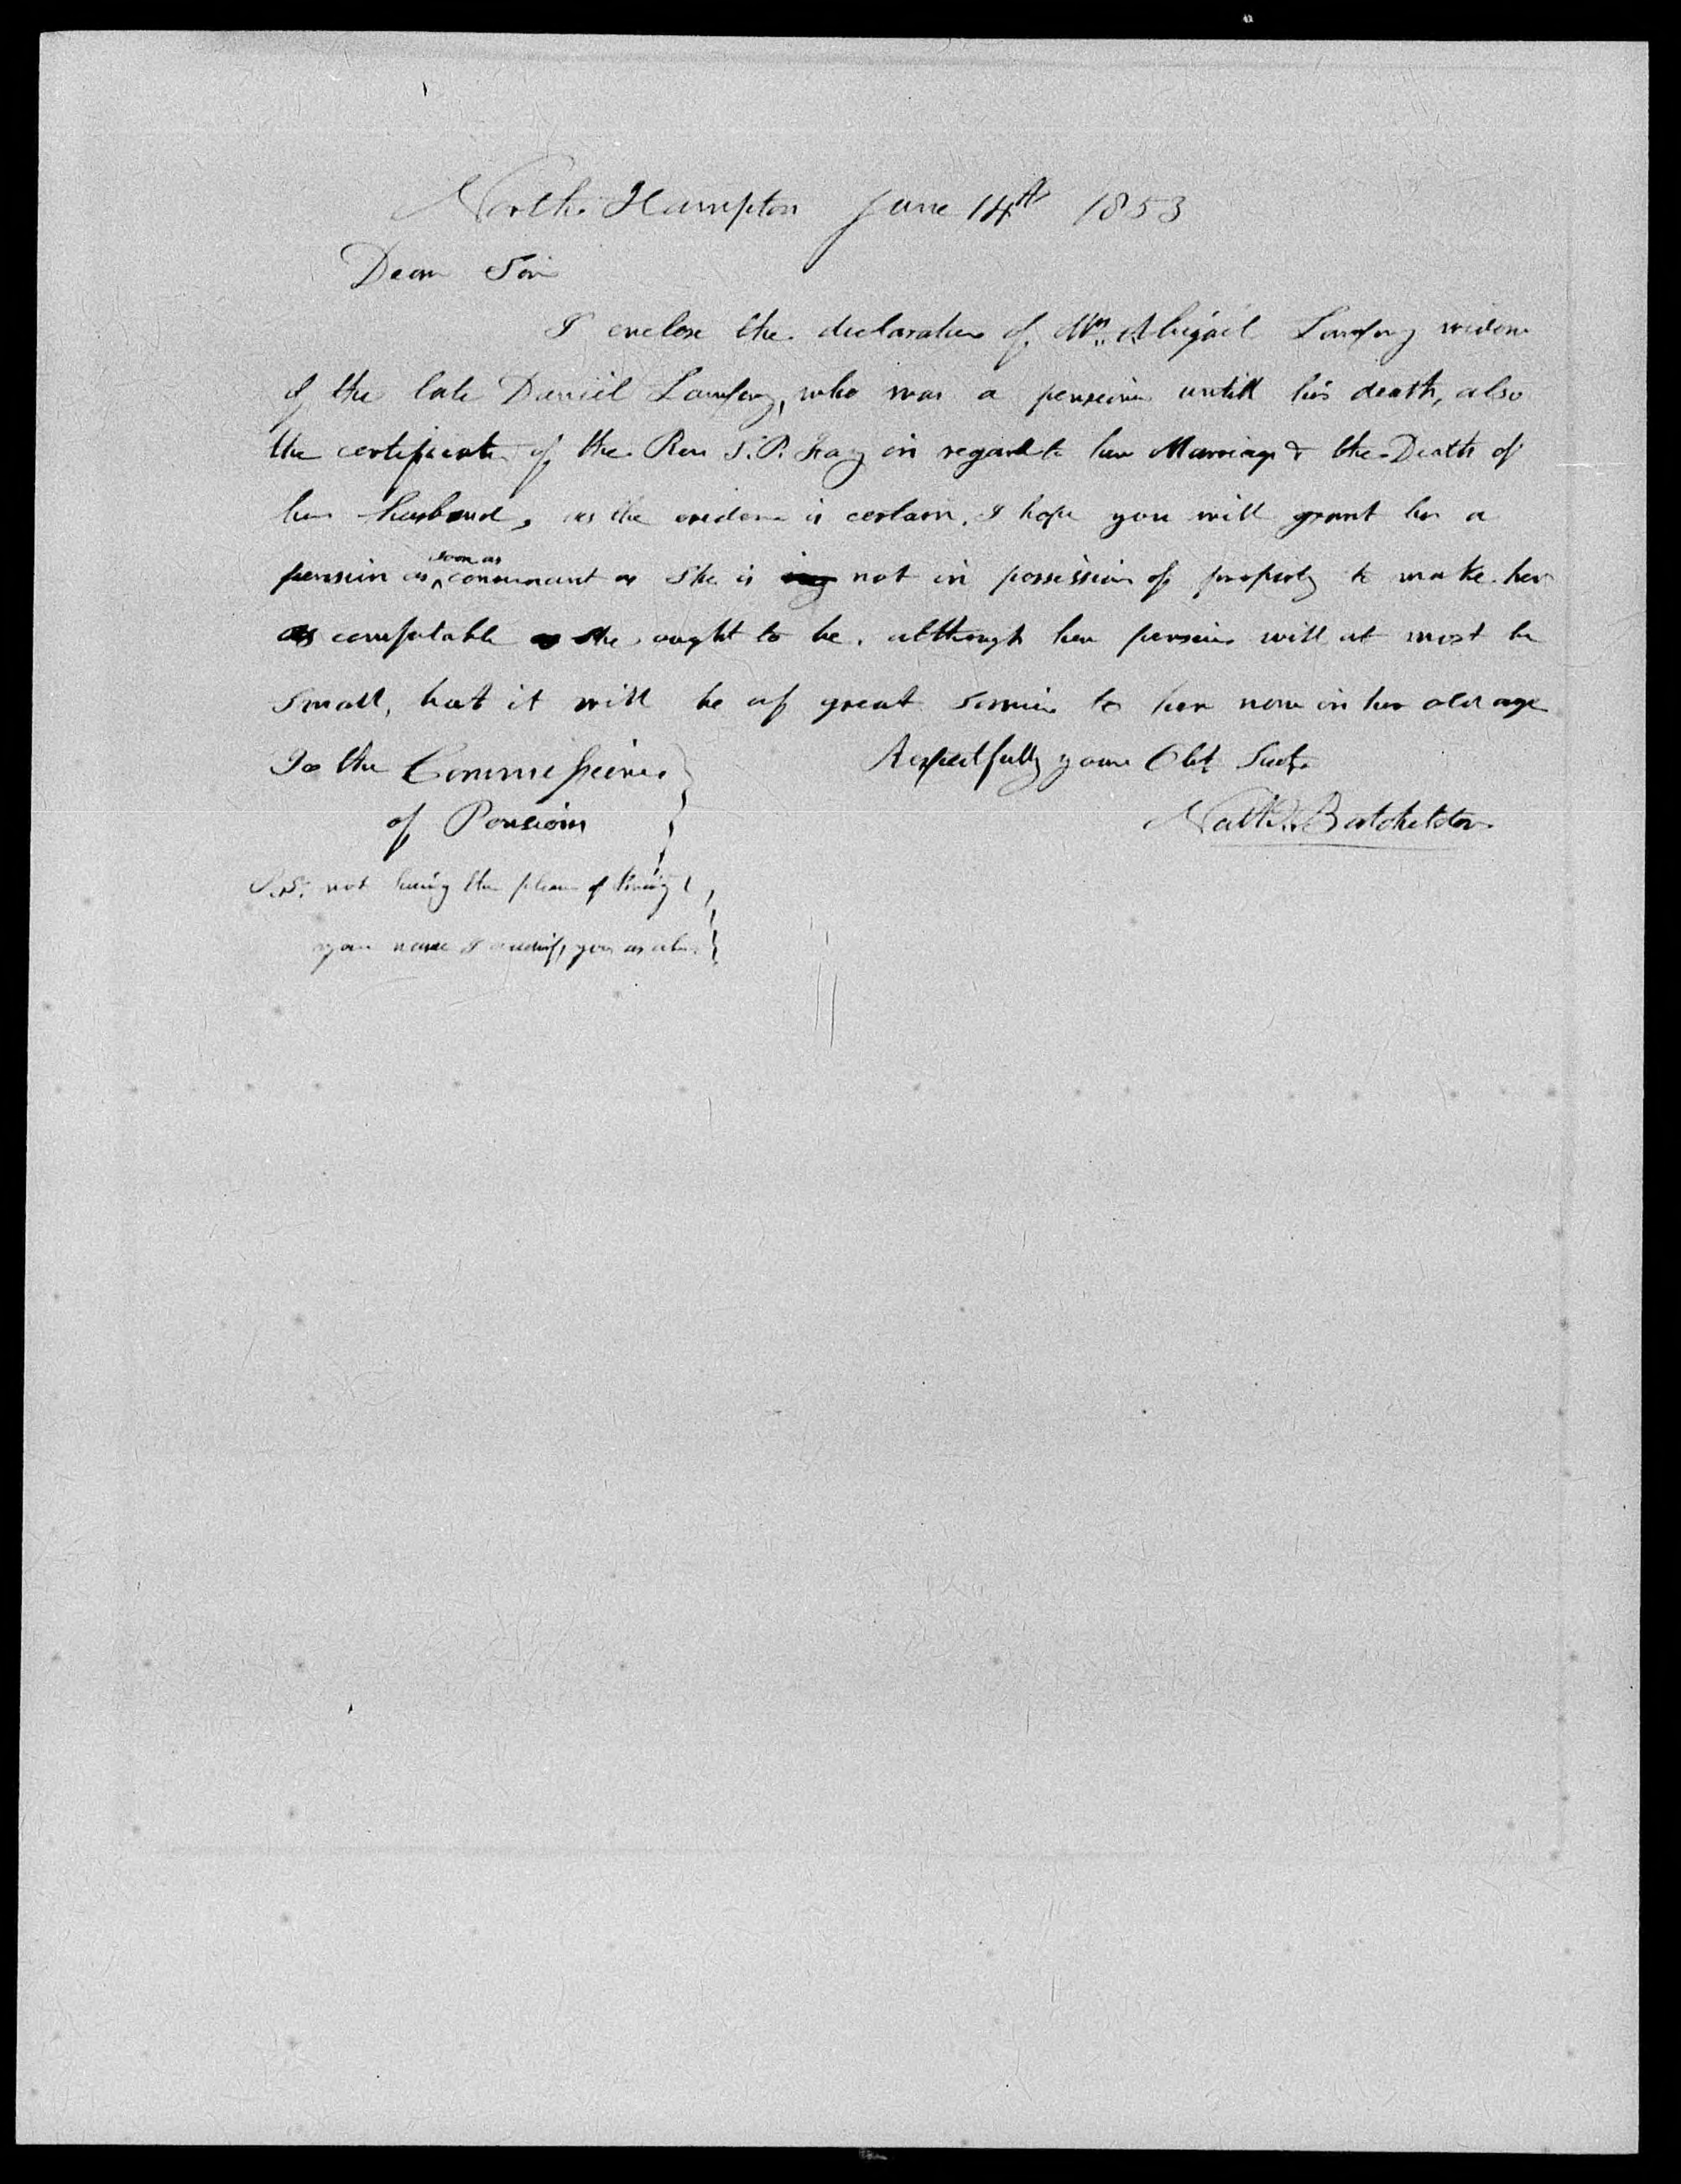North Hampton June 14th 1853
Dear Sir
I enclose the declaration of Mrs. Abigail Lamprey widow of the late Daniel Lamprey, who was a pensioner untill [sic] his death, also the certificate of the Rev [REVERAND]  T.O. Fay in regard to her marriage & the Death of her husband, as the evidence is certain, I hope you will grant her a pension as soon as convenient as She is not in possession of property to make her as comfortable as she ought to be, although her pension will at most be small, but it will be of great service to her now in her old age
Respectfully Yours Obt [OBEDIENT] Servt [SERVANT] Nathl [NATHANIEL] Batchelder

To the Commissioner of Pensions}
 P.S. not having the pleasure of knowing your 
name I identify you as above}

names: Nathl Batchelder; Abigail Lamprey; Daniel Lamprey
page: 45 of 53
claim: widow's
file: W. 492, for Daniel Lamprey, New Hampshire